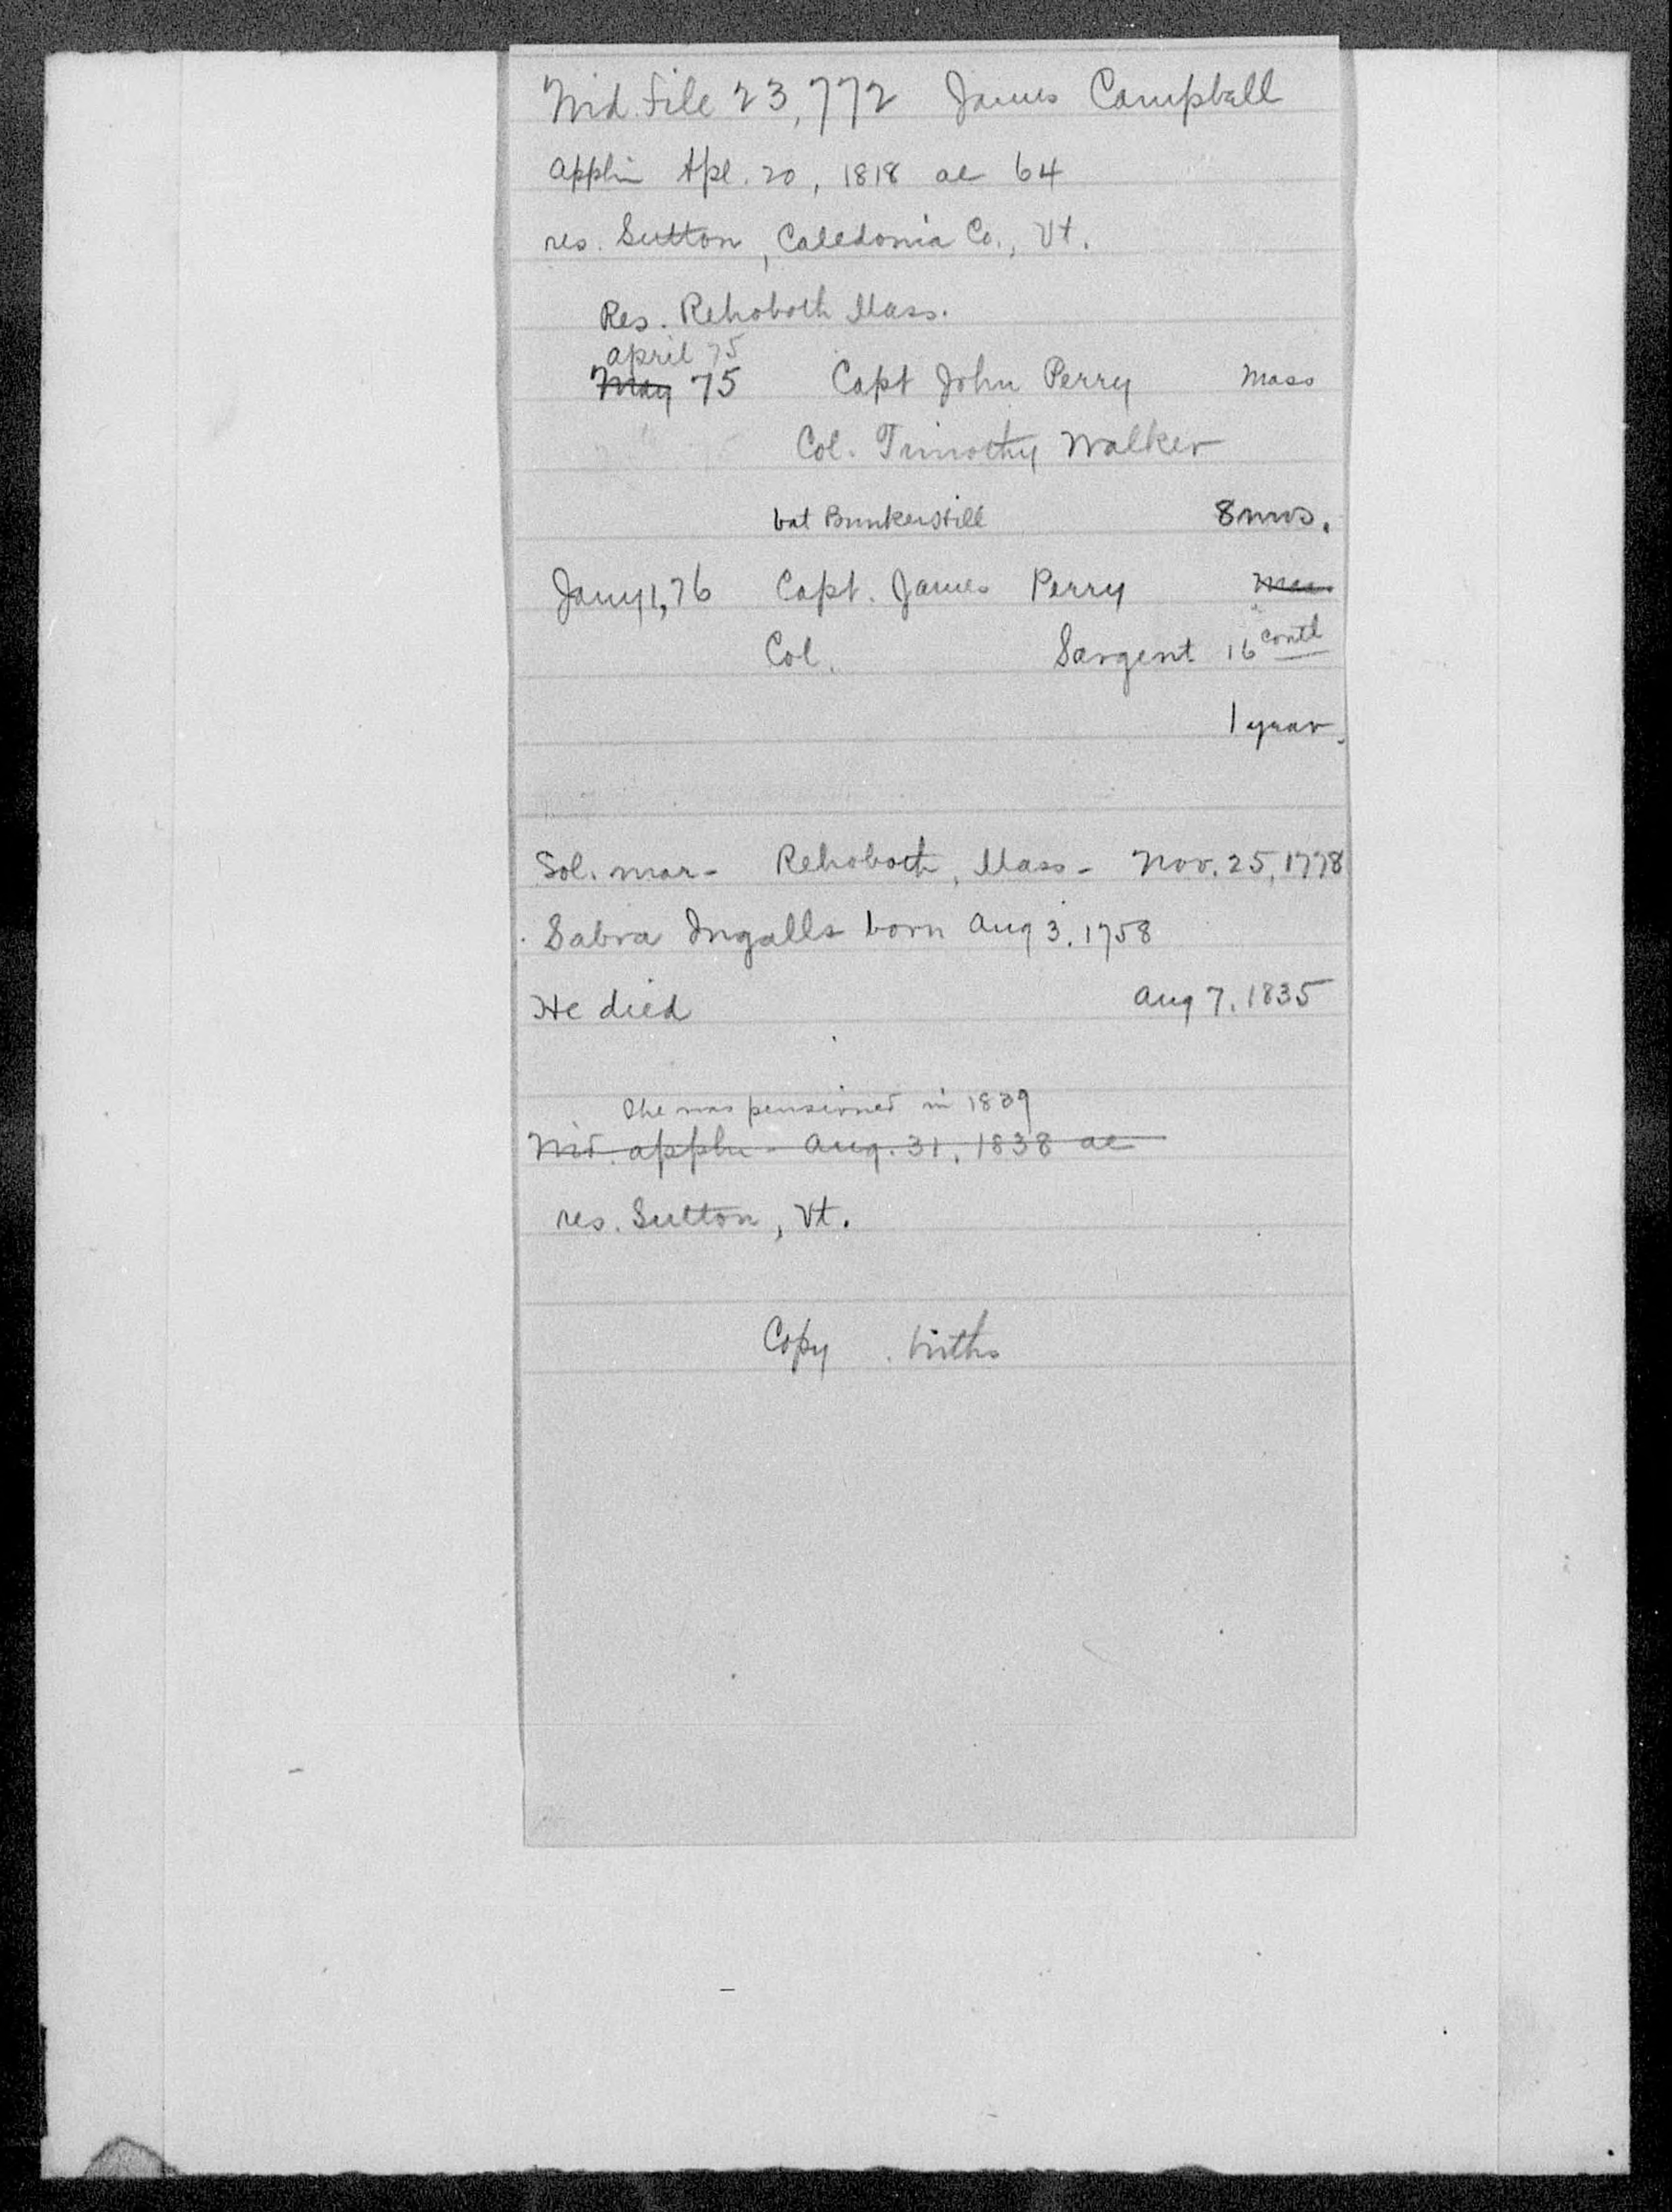Wid. File 23, 772 James Campbell
Applin Apl. 20, 1818 at 64
res. Sutton, Caledonia Co. Vt.
Res. Rehoboth Mass.
April 75 ("May" crossed out) 75
Capt John Perry Mass
Col. Timothy Walker
bat Bunker Hill  8 mos.
Jany 1, 76
Capt. James Perry ("Mass" crossed out)
Col. Sargent 16 contl 
1 year.

Sol. mar- Rehoboth Mass, Nov. 25, 1778
Sabra Ingalls born Aug 3. 1758
He died Aug 7, 1835

Se was pensioned in 1839
("Wid. appln - Aug. 31. 1838 at" crossed out)
Sutton, Vt.

Copy with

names: Sabra Ingalls, Timothy Walker, James Campbell, John Perry, James Perry, Sargent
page: 65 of 67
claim: widow's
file: W. 23772, James Campbell, Continental Mass.